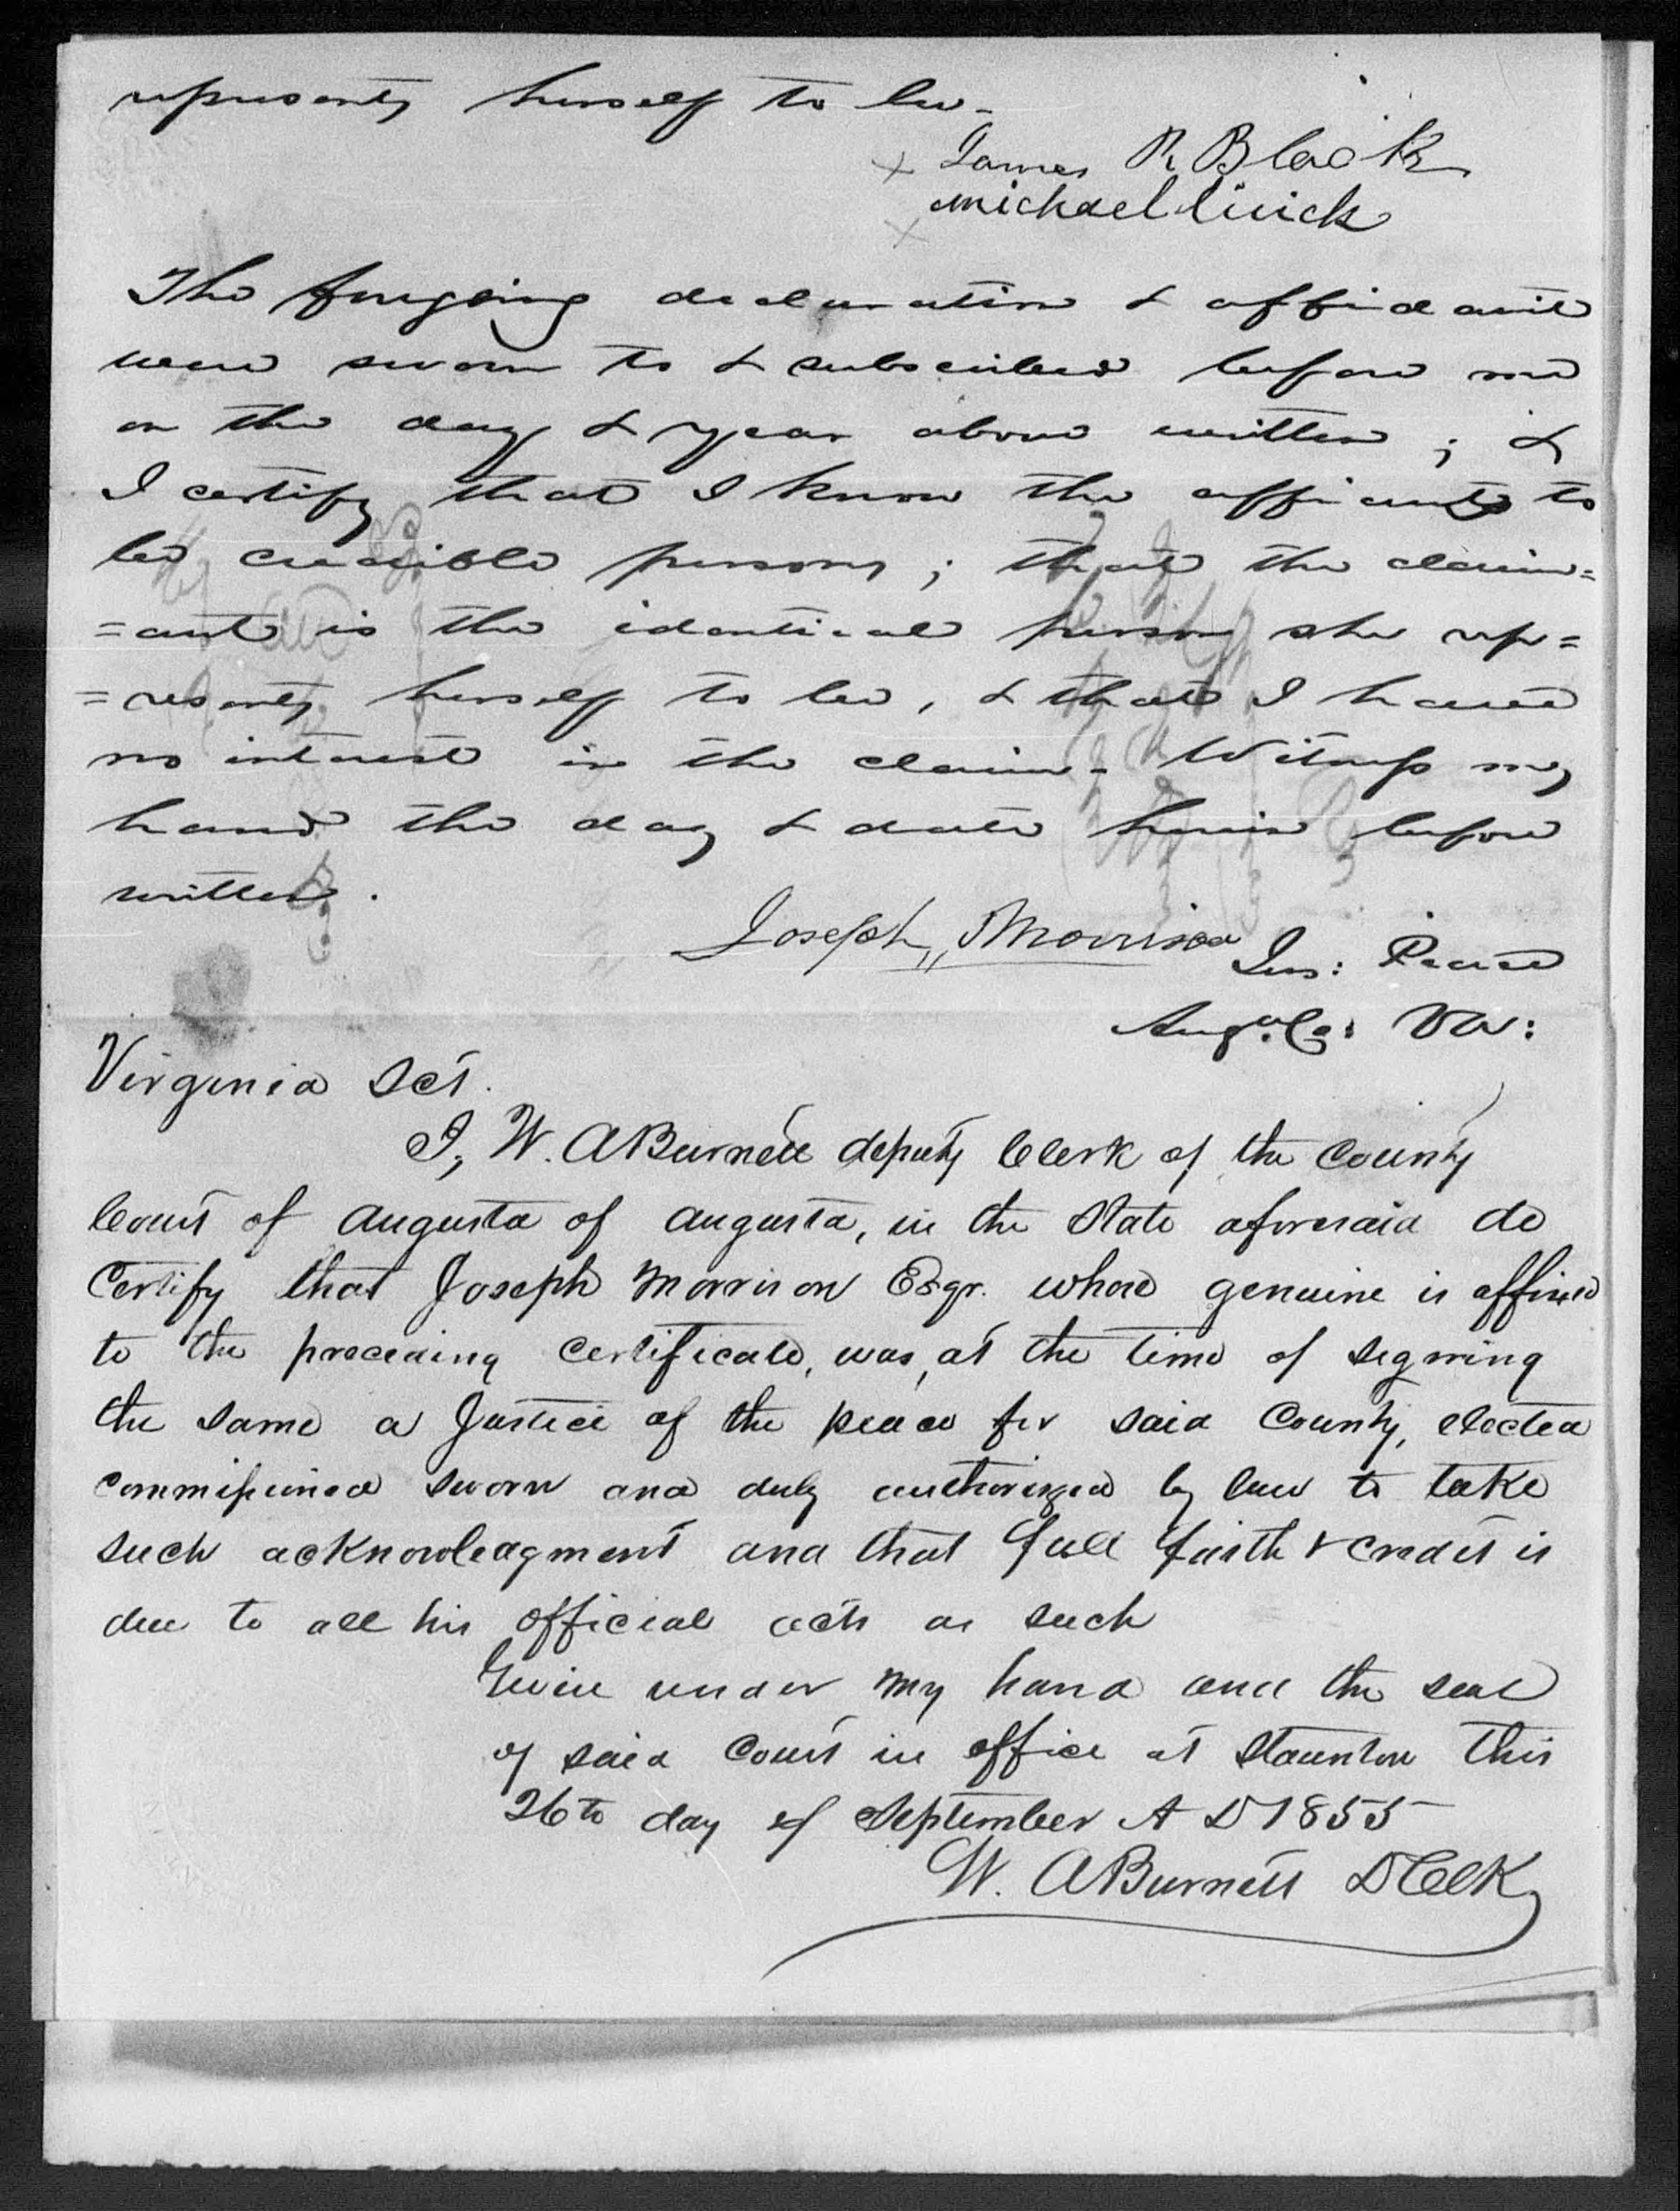represents herself to be.
James R Black
Michael Livick

The foregoing declaration & affidavit were sworn to & subscribed before me on the day & year above written; & I certify that I know the affiants to be credible persons; that the claimant is the identical person she represents herself to be, & that I have no interest in the claim_ Witness my hand the day & date herein before written.
Joseph Morrison
Jus: Peace Aug.a Co. Va:

Virginia sct.

I, W. A Burnett deputy Clerk of the County Court of Augusta of Augusta, in the state aforesaid do certify that Joseph Morrison Esqr. whose genuine is affixed to the preceeding certificate, was, at the time of signing the same a Justice of the peace for said County, elected commissioned sworn and duly authorized by law to take such acknowledgment and that full faith & credit is due to all his official acts as such

Given under my hand and the seal of said court in office at Staunton this 26th day of September A D 1855
W. A Burnett D Clk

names: W A Burnett, Joseph Morrison, W A Burnett, Joseph Morrison, Michael Livick, James R Black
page: 14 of 71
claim: widow's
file: W. 25310, Claudius Buster, Va.